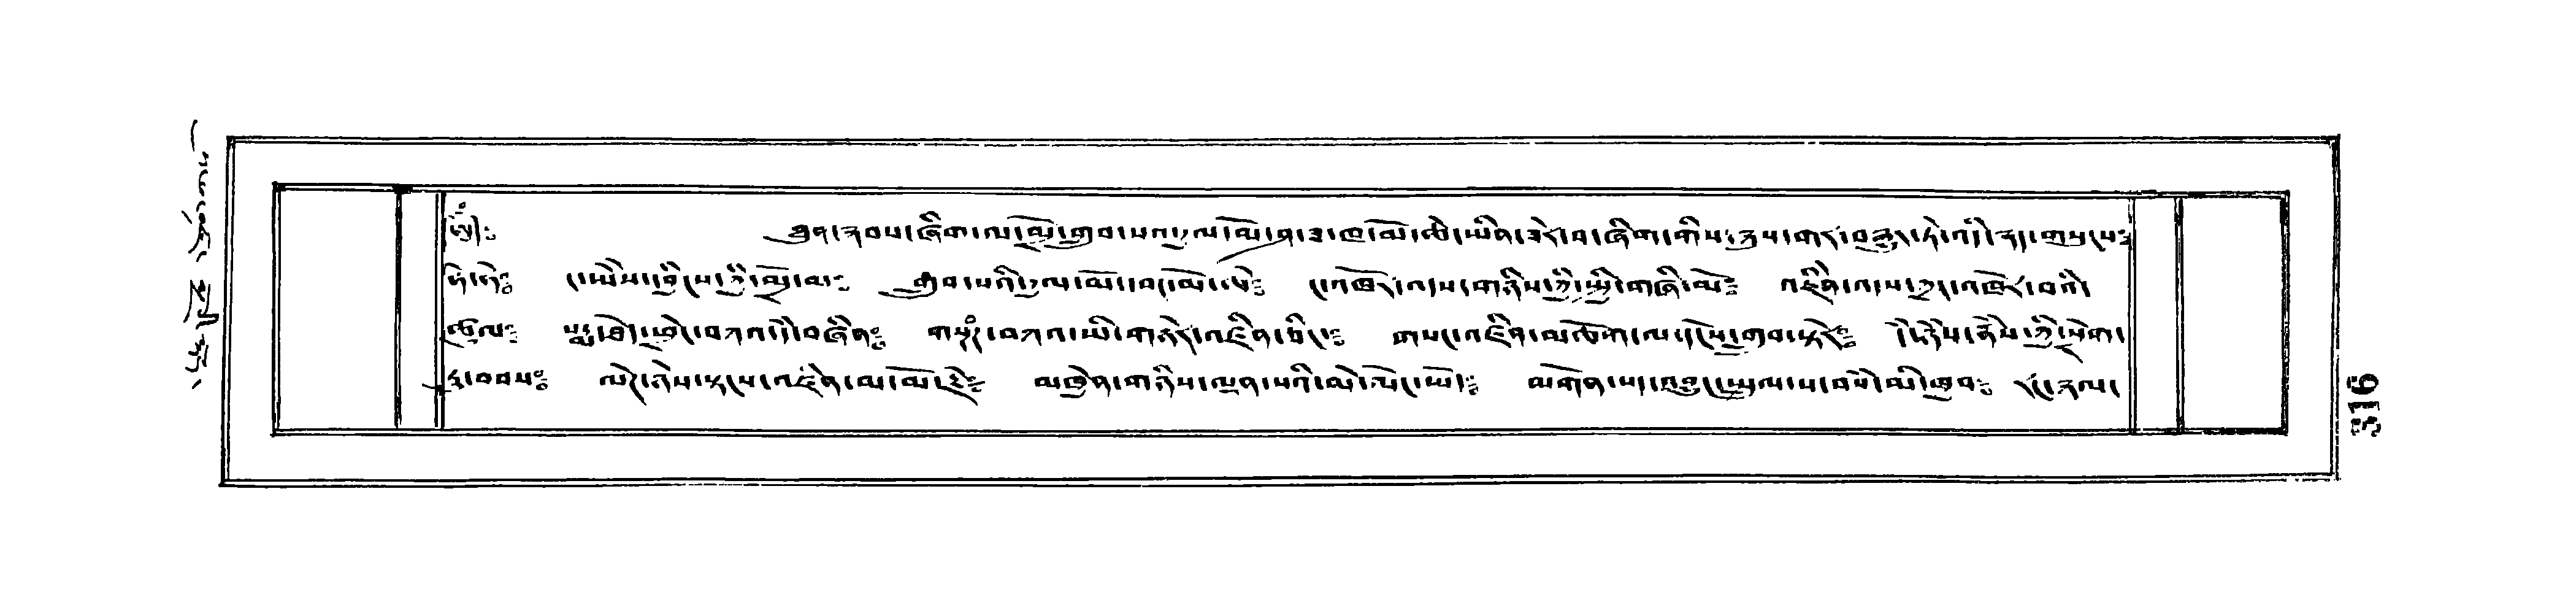ཐུན་སྐབས་ཞིག་ལ་མཁའ་འགྲོ་གྲུབ་པའི་རྒྱལ་མོ་ཤ་ཟ་ཁ་ཆེ་ཡིན་ཟེར་བ་ཞིག་གིས་སྐུས་གར་བསྒྱུར་ཏེ་འདི་སྐད་གསུངས༔ 
ཧེ་ཧེཿ ང་ཡེ་ཤེས་དབྱིངས་ཀྱི་མཁའ་འགྲོ་མ༔ གྲུབ་པའི་རྒྱལ་མོ་དབང་མོ་ཆེ༔ ང་འཁོར་འདས་གཉིས་ཀྱི་སྤྱི་གཞི་མོ༔ འཇིག་རྟེན་འདས་ཀྱང་འཁོར་བའི་
ཚུལ༔ པདྨ་ཐོད་ཕྲེང་བཀའ་དམ་བཞིན༔ གསང་སྔགས་བཀའ་ཡི་གཉེར་འཛིན་ཅིང༔ གསང་འཛིན་མཆོག་ལ་དངོས་གྲུབ་སྟེར༔ དམ་ཉམས་རྣམས་ཀྱི་སྲོག་
ཏུ་བབས༔ ལེགས་ཉེས་སྟངས་འཛིན་མ་མོ་རྗེ༔ མཁྱེན་གཉིས་ལྡན་པའི་མེ་ལོང་ཡོད༔ མགོན་པད་འབྱུང་སྤྲུལ་པ་བསམ་མི་ཁྱབ༔ རང་སྐལ་